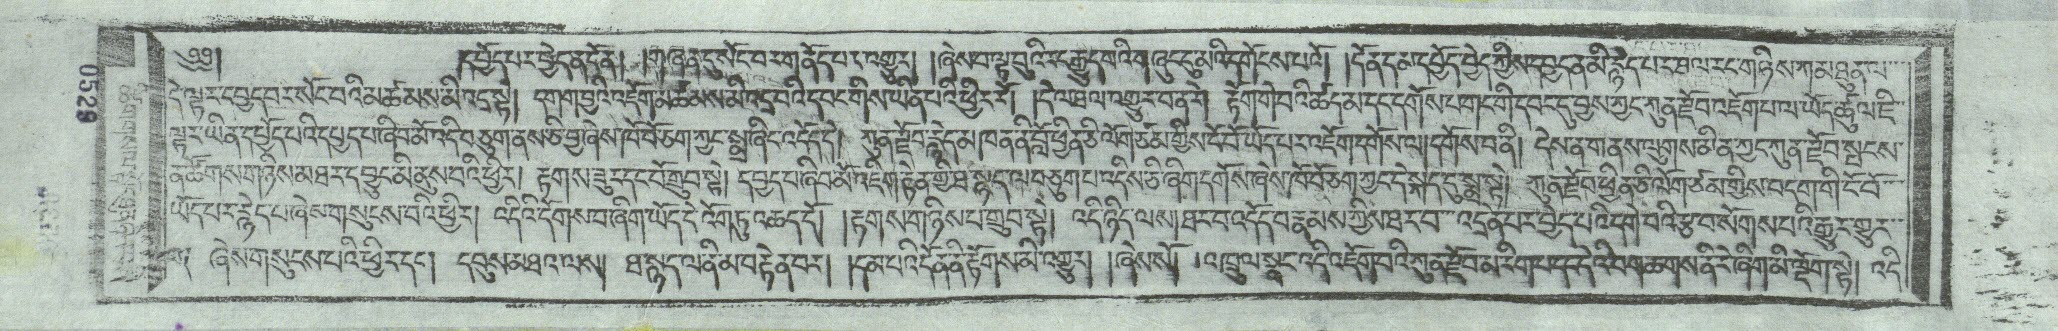༄༅། །དཔྱོད་པར་བྱེད་ན་དོན། །གཞན་དུ་སོང་བར་གནོད་པར་འགྱུར། །ཞེས་པ་ལྟ་བུའི་རང་རྒྱུད་པའི་གཞུང་དུ་མའི་དགོངས་པའོ། །དོན་དམ་དཔྱོད་བྱེད་ཀྱིས་དཔྱད་ན་མི་རྙེད་པར་ཐལ་རང་གཉིས་ཀ་མཐུན་ལ་
དེ་ལྟར་དཔྱད་པར་སོང་བའི་མཚམས་མི་འདྲ་སྟེ། དགག་བྱའི་འཇོག་མཚམས་མི་འདྲ་བའི་དབང་གིས་ཡིན་པའི་ཕྱིར་རོ། །དེ་ལ་ཐལ་འགྱུར་བ་ན་རེ། རྟོག་གེ་བའི་ཚད་མ་དང་དགོས་པ་གང་གི་དབང་དུ་བྱས་ཀྱང་ཀུན་རྫོབ་འཇོག་པ་ལ་ཡོད་ཚུལ་ཇི་
ལྟར་ཡིན་དཔྱོད་པའི་དཔྱད་པ་ཞིབ་མོ་འདི་བཅུག་ནས་ཅི་བྱ་ཞེས་ཁོ་བོ་ཅག་ཀྱང་སྨྲ་ཞིང་འདོད་དེ། ཀུན་རྫོབ་རྙེད་མཁན་ནི་བློ་ཕྱིན་ཅི་ལོག་ཙམ་གྱིས་ངོ་བོ་ཡོད་པར་འཇོག་དགོས་ལ། དགོས་པ་ནི། དེས་ན་གནས་ལུགས་མིན་ཀྱང་ཀུན་རྫོབ་སྤངས་
ན་ཚོགས་གཉིས་མཐར་དབྱུང་མི་ནུས་པའི་ཕྱིར། རྟགས་ཟུར་དང་པོ་གྲུབ་སྟེ། དཔྱད་པ་ཞིབ་མོ་འཇིག་རྟེན་གྱི་ཐ་སྙད་ལ་བཅུག་པ་འདིས་ཅི་ཞིག་དགོས་ཞེས་ཁོ་བོ་ཅག་ཀྱང་དེ་སྐད་དུ་སྨྲ་སྟེ། ཀུན་རྫོབ་ཕྱིན་ཅི་ལོག་ཙམ་གྱིས་བདག་གི་ངོ་བོ་
ཡོད་པར་རྙེད་པ་ཞེས་གསུངས་པའི་ཕྱིར། འདིའི་དོགས་པ་ཞིག་ཡོད་དེ་འོག་ཏུ་འཆད་དོ། །རྟགས་གཉིས་པ་གྲུབ་སྟེ། འདི་ཉིད་ལས། ཐར་བ་འདོད་པ་རྣམས་ཀྱིས་ཐར་བ་འདྲེན་པར་བྱེད་པའི་དགེ་བའི་རྩ་བ་སོགས་པའི་རྒྱུར་གྱུར་
བ༑ ཞེས་གསུངས་པའི་ཕྱིར་དང་། དབུས་མཐའ་ལས། ཐ་སྙད་ལ་ནི་མ་བརྟེན་པར། །དམ་པའི་དོན་ནི་རྟོགས་མི་འགྱུར། །ཞེས་སོ། །འཁྲུལ་སྣང་འདི་འཇོག་པའི་ཀུན་རྫོབ་མ་རིག་པ་དང་དེའི་བག་ཆགས་ནི་རེ་ཞིག་མི་ལྡོག་སྟེ། འདི་